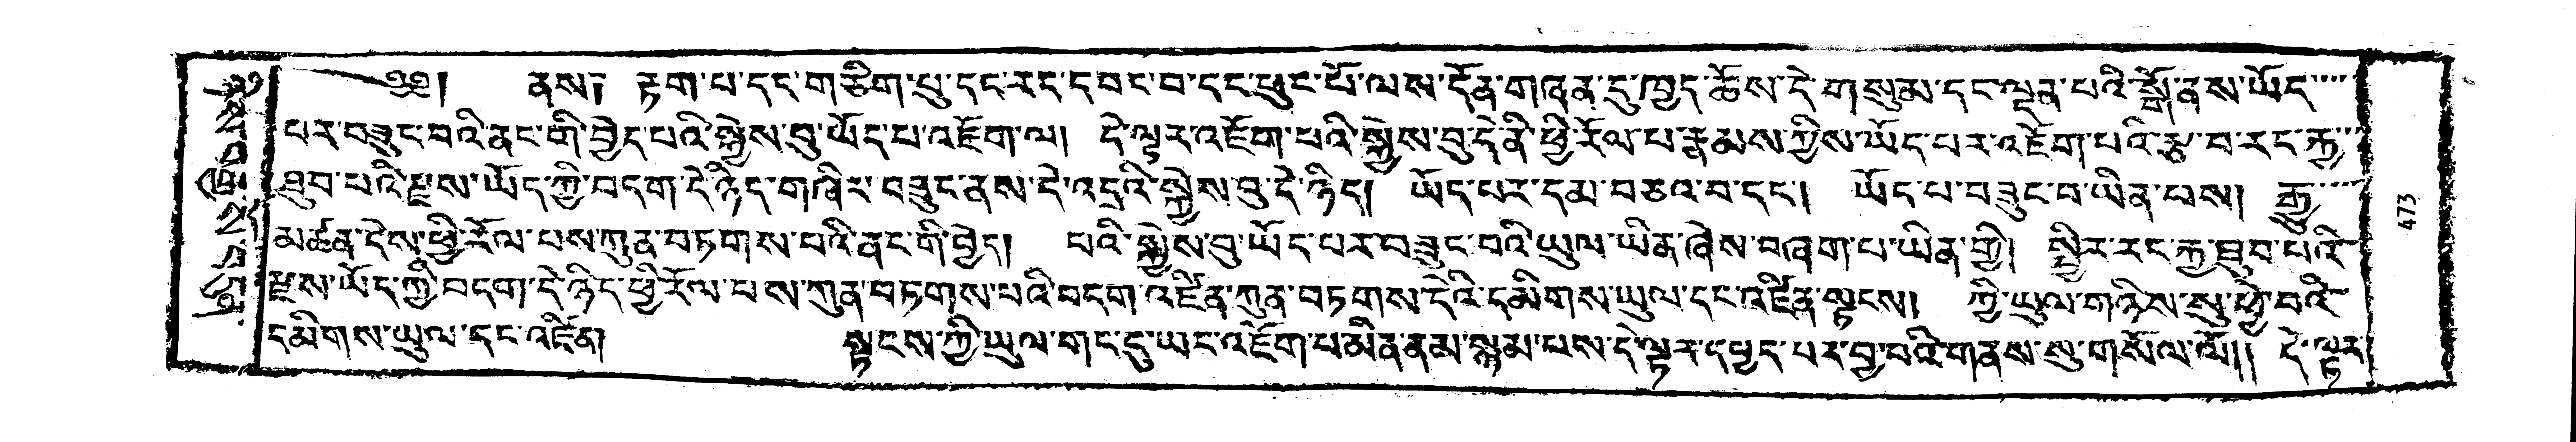༄༅། །ནས༑ རྟག་པ་དང་གཅིག་པུ་དང་རང་དབང་བ་དང་ཕུང་པོ་ལས་དོན་གཞན་དུ་ཁྱད་ཆོས་དེ་གསུམ་དང་ལྡན་པའི་སྒོ་ནས་ཡོད་
པར་བཟུང་བའི་ནང་གི་བྱེད་པའི་སྐྱེས་བུ་ཡོད་པ་འཇོག་ལ། དེ་ལྟར་འཇོག་པའི་སྐྱེས་བུ་དེ་ནི་ཕྱི་རོལ་པ་རྣམས་ཀྱིས་ཡོད་པར་འཇོག་པའི་རྩ་བ་རང་རྐྱ་
ཐུབ་པའི་རྫས་ཡོད་ཀྱི་བདག་དེ་ཉིད་གཞིར་བཟུང་ནས་དེ་འདྲའི་སྐྱེས་བུ་དེ་ཉིད། ཡོད་པར་དམ་བཅའ་བ་དང་། ཡོད་པ་བཟུང་བ་ཡིན་པས། རྒྱུ་
མཚན་དེས་ཕྱི་རོལ་པས་ཀུན་བཏགས་པའི་ནང་གི་བྱེད། པའི་སྐྱེས་བུ་ཡོད་པར་བཟུང་བའི་ཡུལ་ཡིན་ཞེས་བཞག་པ་ཡིན་གྱི། སྤྱིར་རང་རྐྱ་ཐུབ་པའི་
རྫས་ཡོད་ཀྱི་བདག་དེ་ཉིད་ཕྱི་རོལ་པས་ཀུན་བཏགས་པའི་བདག་འཛིན་ཀུན་བཏགས་དེའི་དམིགས་ཡུལ་དང་འཛིན་སྟངས། ཀྱི་ཡུལ་གཉིས་སུ་ཕྱེ་བའི་
དམིགས་ཡུལ་དང་འཛིན། སྟངས་ཀྱི་ཡུལ་གང་དུ་ཡང་འཇོག་པ་མིན་ནམ་སྙམ་པས་དེ་ལྟར་དཔྱད་པར་བྱ་བའི་གནས་སུ་གསོལ་ལོ།། དེ་ལྟར་